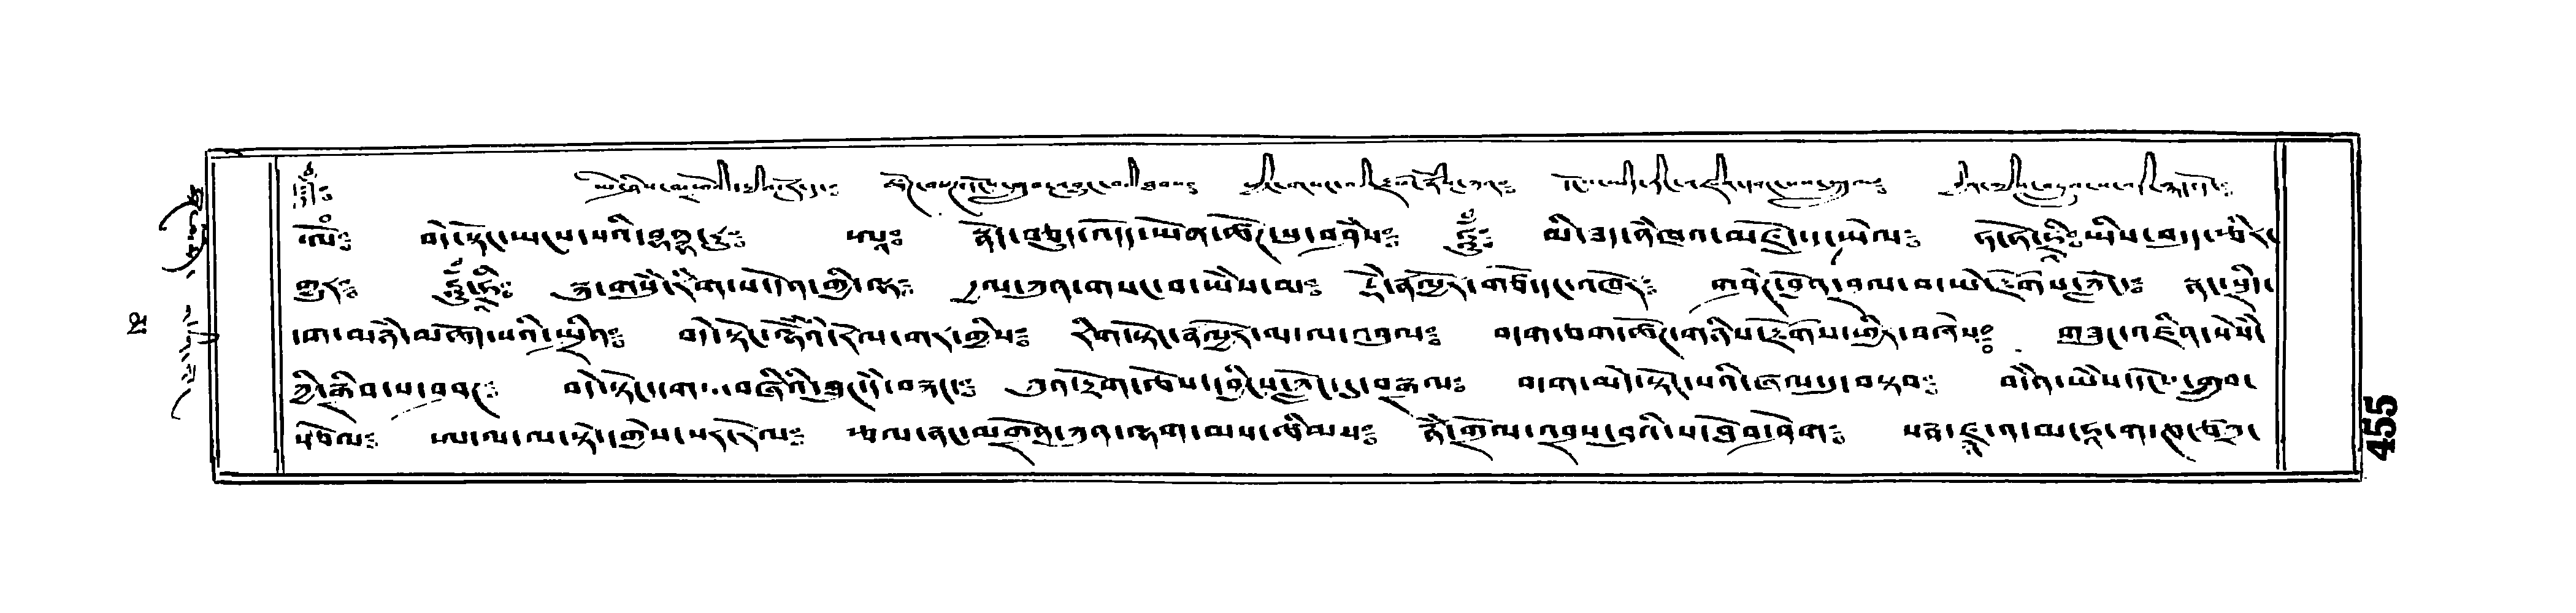ཡེ་ཤེས་མཁའ་འགྲོའི་དཀྱིལ་འཁོར་དུ༔ ཚོགས་བསགས་དངོས་གྲུབ་འབྱུང་བའི་ཐབས༔ ཕྱི་ནང་གསང་བའི་རྫས་རྣམས་ཀུན༔ དངོས་ཡིད་ཏིང་འཛིན་དག་པས་སྤྲུལ༔ བྱིན་གྱིས་བརླབ་པ་འདི་སྐད་དོ༔ 
ཨོཾ༔ བདེ་སྟོང་ཡངས་པའི་བྷནྡྷ་རུ༔ ཨཱཿ སྣོད་བཅུད་འདོད་ཡོན་ཚོགས་སུ་བཤམས༔ ཧཱུྃ༔ མི་ཟད་ནམ་མཁའ་མཛོད་དུ་སྤེལ༔ ཧ་ཧོ་ཧྲཱིཿ ཡིས་བདུད་རྩིར་
གྱུར༔ ཧཱུྃ་ཧྲཱིཿ སྐུ་གསུམ་རིག་པ་དོན་གྱི་ལྷ༔ རྒྱལ་ཀུན་གསང་བ་ཡེ་ཤེས་མ༔ རྡོ་རྗེ་རྣལ་འབྱོར་གཙོ་དང་འཁོར༔ གཤེགས་བྱོན་བྲལ་བ་ཡེ་རྫོགས་ཀློང༔ སྣང་སྲིད་
དག་མཉམ་མཆོད་པའི་སྤྲིན༔ བདེ་སྟོང་ལྷ་མོའི་རོལ་གར་གྱིས༔ རིག་སྟོང་རྣལ་འབྱོར་མ་ལ་འབུལ༔ བདག་ཅག་ཚོགས་གཉིས་རྫོགས་ཕྱིར་བཞེས༔ གཟུང་འཛིན་སེམས་
ཀྱི་སྒྲིབ་པ་བཤགས༔ བདེ་སྟོང་དགའ་བཞིའི་ཐུགས་དམ་བསྐང༔ ཀུན་རྟོག་ཆོས་དབྱིངས་ཀློང་དུ་བསྒྲལ༔ བདག་མེད་སྟོང་པའི་ཞལ་དུ་བསྟབ༔ བདེ་ཆེན་ཡེ་ཤེས་དངོས་གྲུབ་
སྩོལ༔ ཨ་ལ་ལ་སྟེ་དགྱེས་པར་རོལ༔ རྩལ་སྣང་མགྲོན་ཀུན་ལྷག་མས་ཚིམས༔ རྣལ་གྲོལ་འབྲས་བུའི་ས་ཐོབ་ཤོག༔ སརྦ་ཛྙཱ་ན་མ་ཧཱ་ག་ཎ་ཙཀྲ་